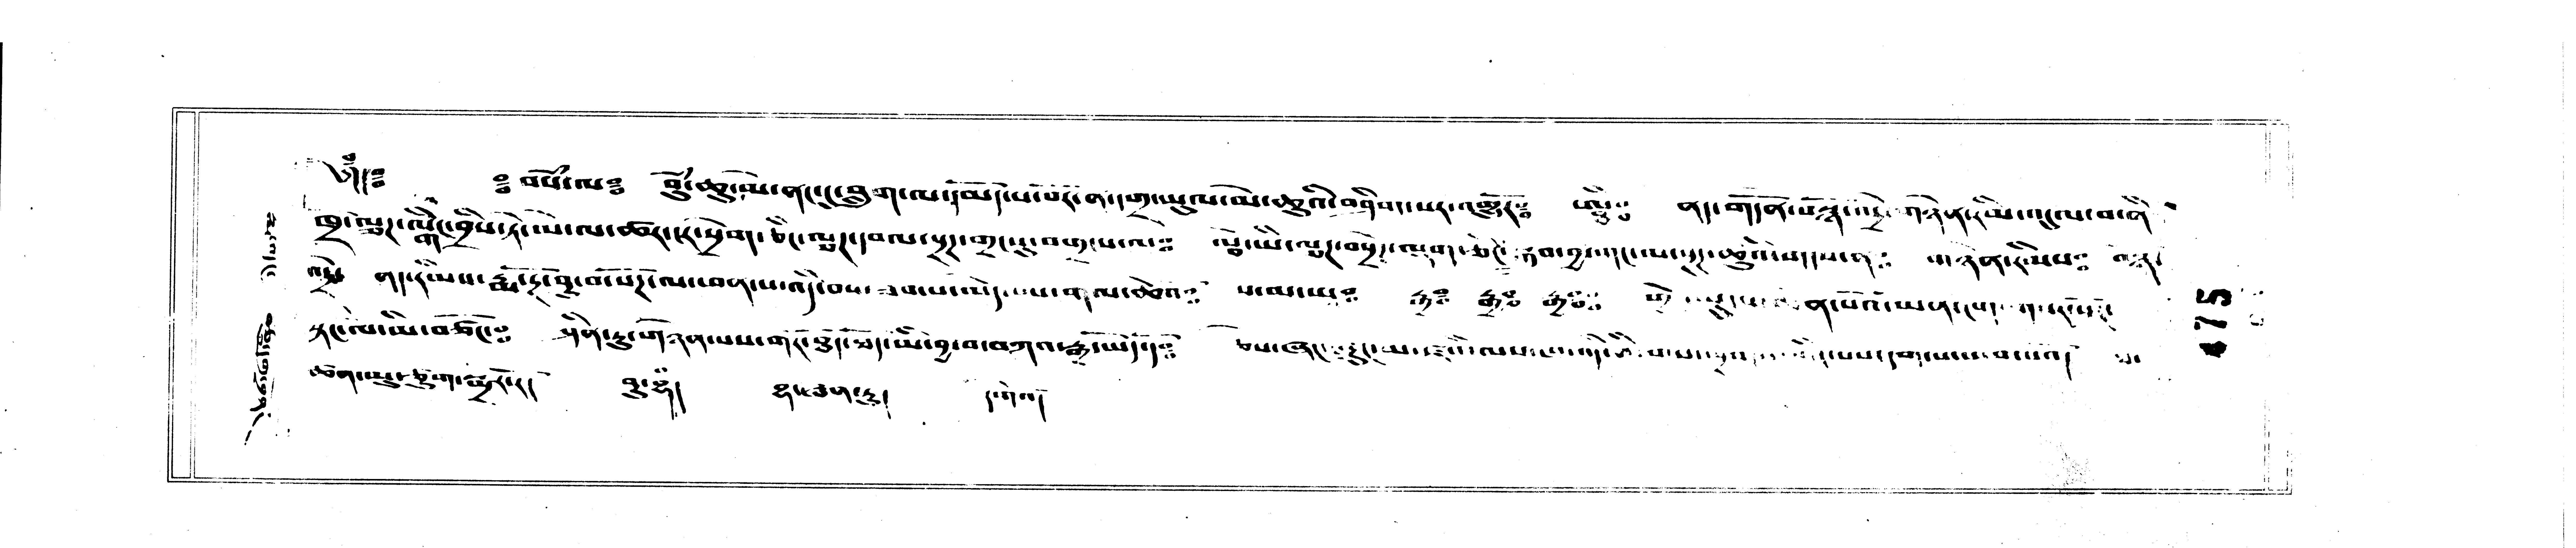༔བསམ་ལ༔ བུམ་ཆུ་མེ་ནང་དུ་བླུག་ལ་དམོད་པ་བོར་ན་དགྲ་ཡུལ་མེ་ཆུས་བཤིག་པར་འགྱུར་རོ༔ཨྠི༔ ནད་གདོན་བསྙོ་འདྲེ་གཉེན་རིམ་འདུལ་བ་ནི༔
ཁྲོ་ལྕགས་ལིང་ག་བྲིས་ཏེ་མེ་ལ་ཚར་ངར་སྲེག་ཅིང་ལྕགས་དབལ་སྔགས་གྲངས་སུ་བགྲངས་ལ༔ལྕེ་ཡིས་ལྕགས་བསྲེགས་ལྡག་ཅིང་སྐབས་བྱ་གང་ལ་སྔགས་ཆུའི་གདབ་ན༔གཉེན་རིམས༔བསྙོ་
འདྲེ་ནད་རིམས་རྨ་རྔོ་ཤུ་བ་སོགས་ལ་ཕན་པ་འདི་བས་ཟབ་པ་མེད་པས་གལ་ཆེའོ༔ས་མ་ཡ༔རྒྱ༔རྒྱ༔རྒྱ༔༔ གྱེར་སྤུངས་ཆེན་པོའི་མན་ངག་༼༽
སྟང་ལ་མི་བཙོང་༔ཤིན་ཏུ་གཉེན་པས་གར་ཐོད་ཐོད་མི་བྱ་བ་བཀའ་རྒྱ་ཡོད་དོ༔ཅེས་ཞང་ཞུང་མེ་ཛྭོའི་ལས་ཁ་འདི་གསངས་སྔགས་གླིང་པས་དག་པ་ཕབ་པའོ། ཐ་
ཚན་མུ་ཙུག་སྨྲར་རོ། བུ་བྷི། བྷ་ཝན་ཏུ། དགེའོ།